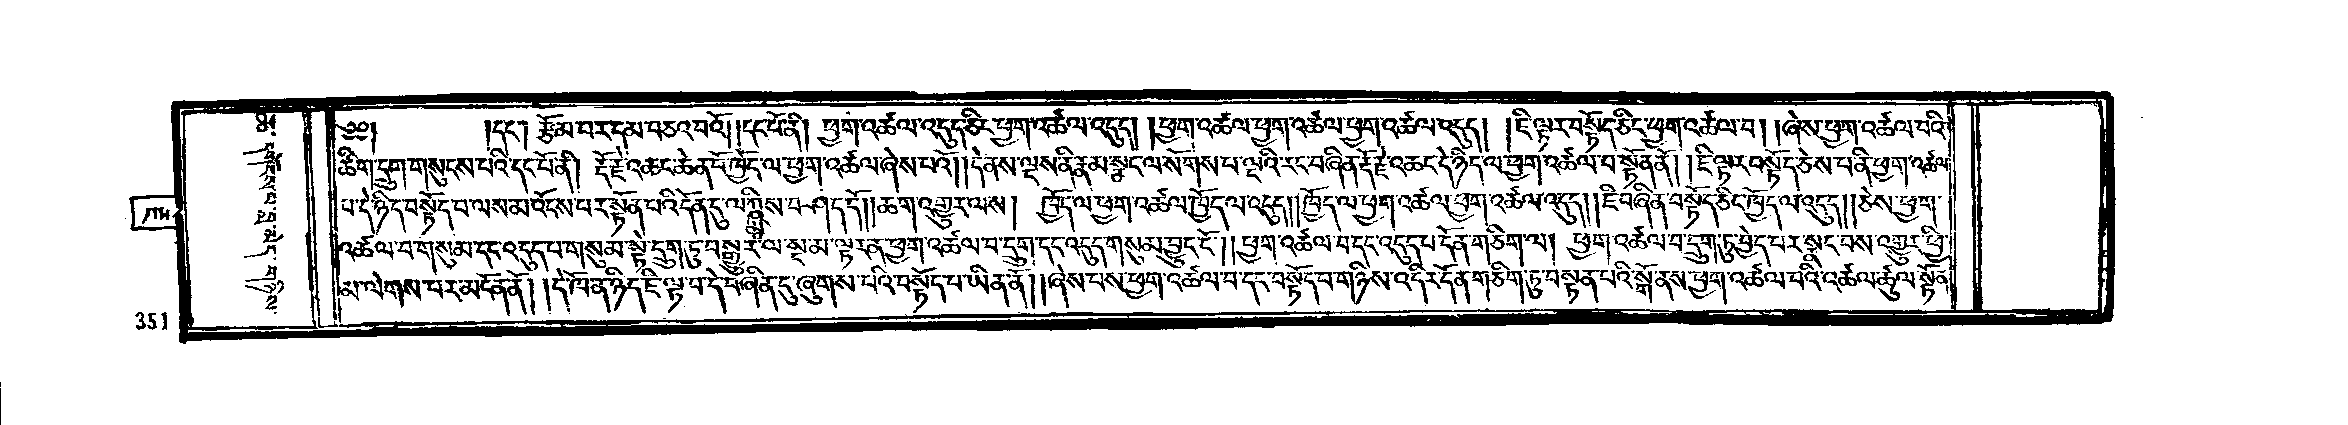༄༅། །དང་། རྩོམ་པར་དམ་བཅའ་བའོ། །དང་པོ་ནི། ཕྱག་འཚལ་འདུད་ཅིང་ཕྱག་འཚལ་འདུད། །ཕྱག་འཚལ་ཕྱག་འཚལ་ཕྱག་འཚལ་འདུད། །ཇི་ལྟར་བསྟོད་ཅིང་ཕྱག་འཚལ་བ། །ཞེས་ཕྱག་འཚལ་བའི་
ཚིག་དྲུག་གསུངས་པའི་དང་པོ་ནི། རྡོ་རྗེ་འཆང་ཆེན་པོ་ཁྱོད་ལ་ཕྱག་འཚལ་ཞེས་པའོ། །དེ་ནས་ལྔས་ནི་རྣམ་སྣང་ལ་སོགས་པ་ལྔའི་རང་བཞིན་རྡོ་རྗེ་འཆང་དེ་ཉིད་ལ་ཕྱག་འཚལ་བ་སྟོན་ནོ། །ཇི་ལྟར་བསྟོད་ཅེས་པ་ནི་ཕྱག་འཚལ་
བ་དེ་ཉིད་བསྟོད་པ་ལས་མ་འདས་པར་སྟོན་པའི་དོན་དུ་ལཀྵྨཱིས་བཤད་དོ། །ཆག་འགྱུར་ལས། ཁྱོད་ལ་ཕྱག་འཚལ་ཁྱོད་ལ་འདུད། །ཁྱོད་ལ་ཕྱག་འཚལ་ཕྱག་འཚལ་འདུད། །ཇི་བཞིན་བསྟོད་ཅིང་ཁྱོད་ལ་འདུད། །ཅེས་ཕྱག་
འཚལ་བ་གསུམ་དང་འདུད་པ་གསུམ་སྟེ་དྲུག་ཏུ་བསྒྱུར་ལ་སྔ་མ་ལྟར་ན་ཕྱག་འཚལ་བ་དྲུག་དང་འདུད་གསུམ་བྱུང་ངོ། །ཕྱག་འཚལ་བ་དང་འདུད་པ་དོན་གཅིག་ལ། ཕྱག་འཚལ་བ་དྲུག་ཏུ་བྱེད་པར་སྣང་བས་འགྱུར་ཕྱི་
མ་ལེགས་པར་མངོན་ནོ། །དེ་ཁོ་ན་ཉིད་ཇི་ལྟ་བ་དེ་བཞིན་དུ་ཞུགས་པའི་བསྟོད་པ་ཡིན་ནོ། །ཞེས་པས་ཕྱག་འཚལ་བ་དང་བསྟོད་པ་གཉིས་འདིར་དོན་གཅིག་ཏུ་བསྟན་པའི་སྒོ་ནས་ཕྱག་འཚལ་བའི་འཚལ་ཚུལ་སྟོན་